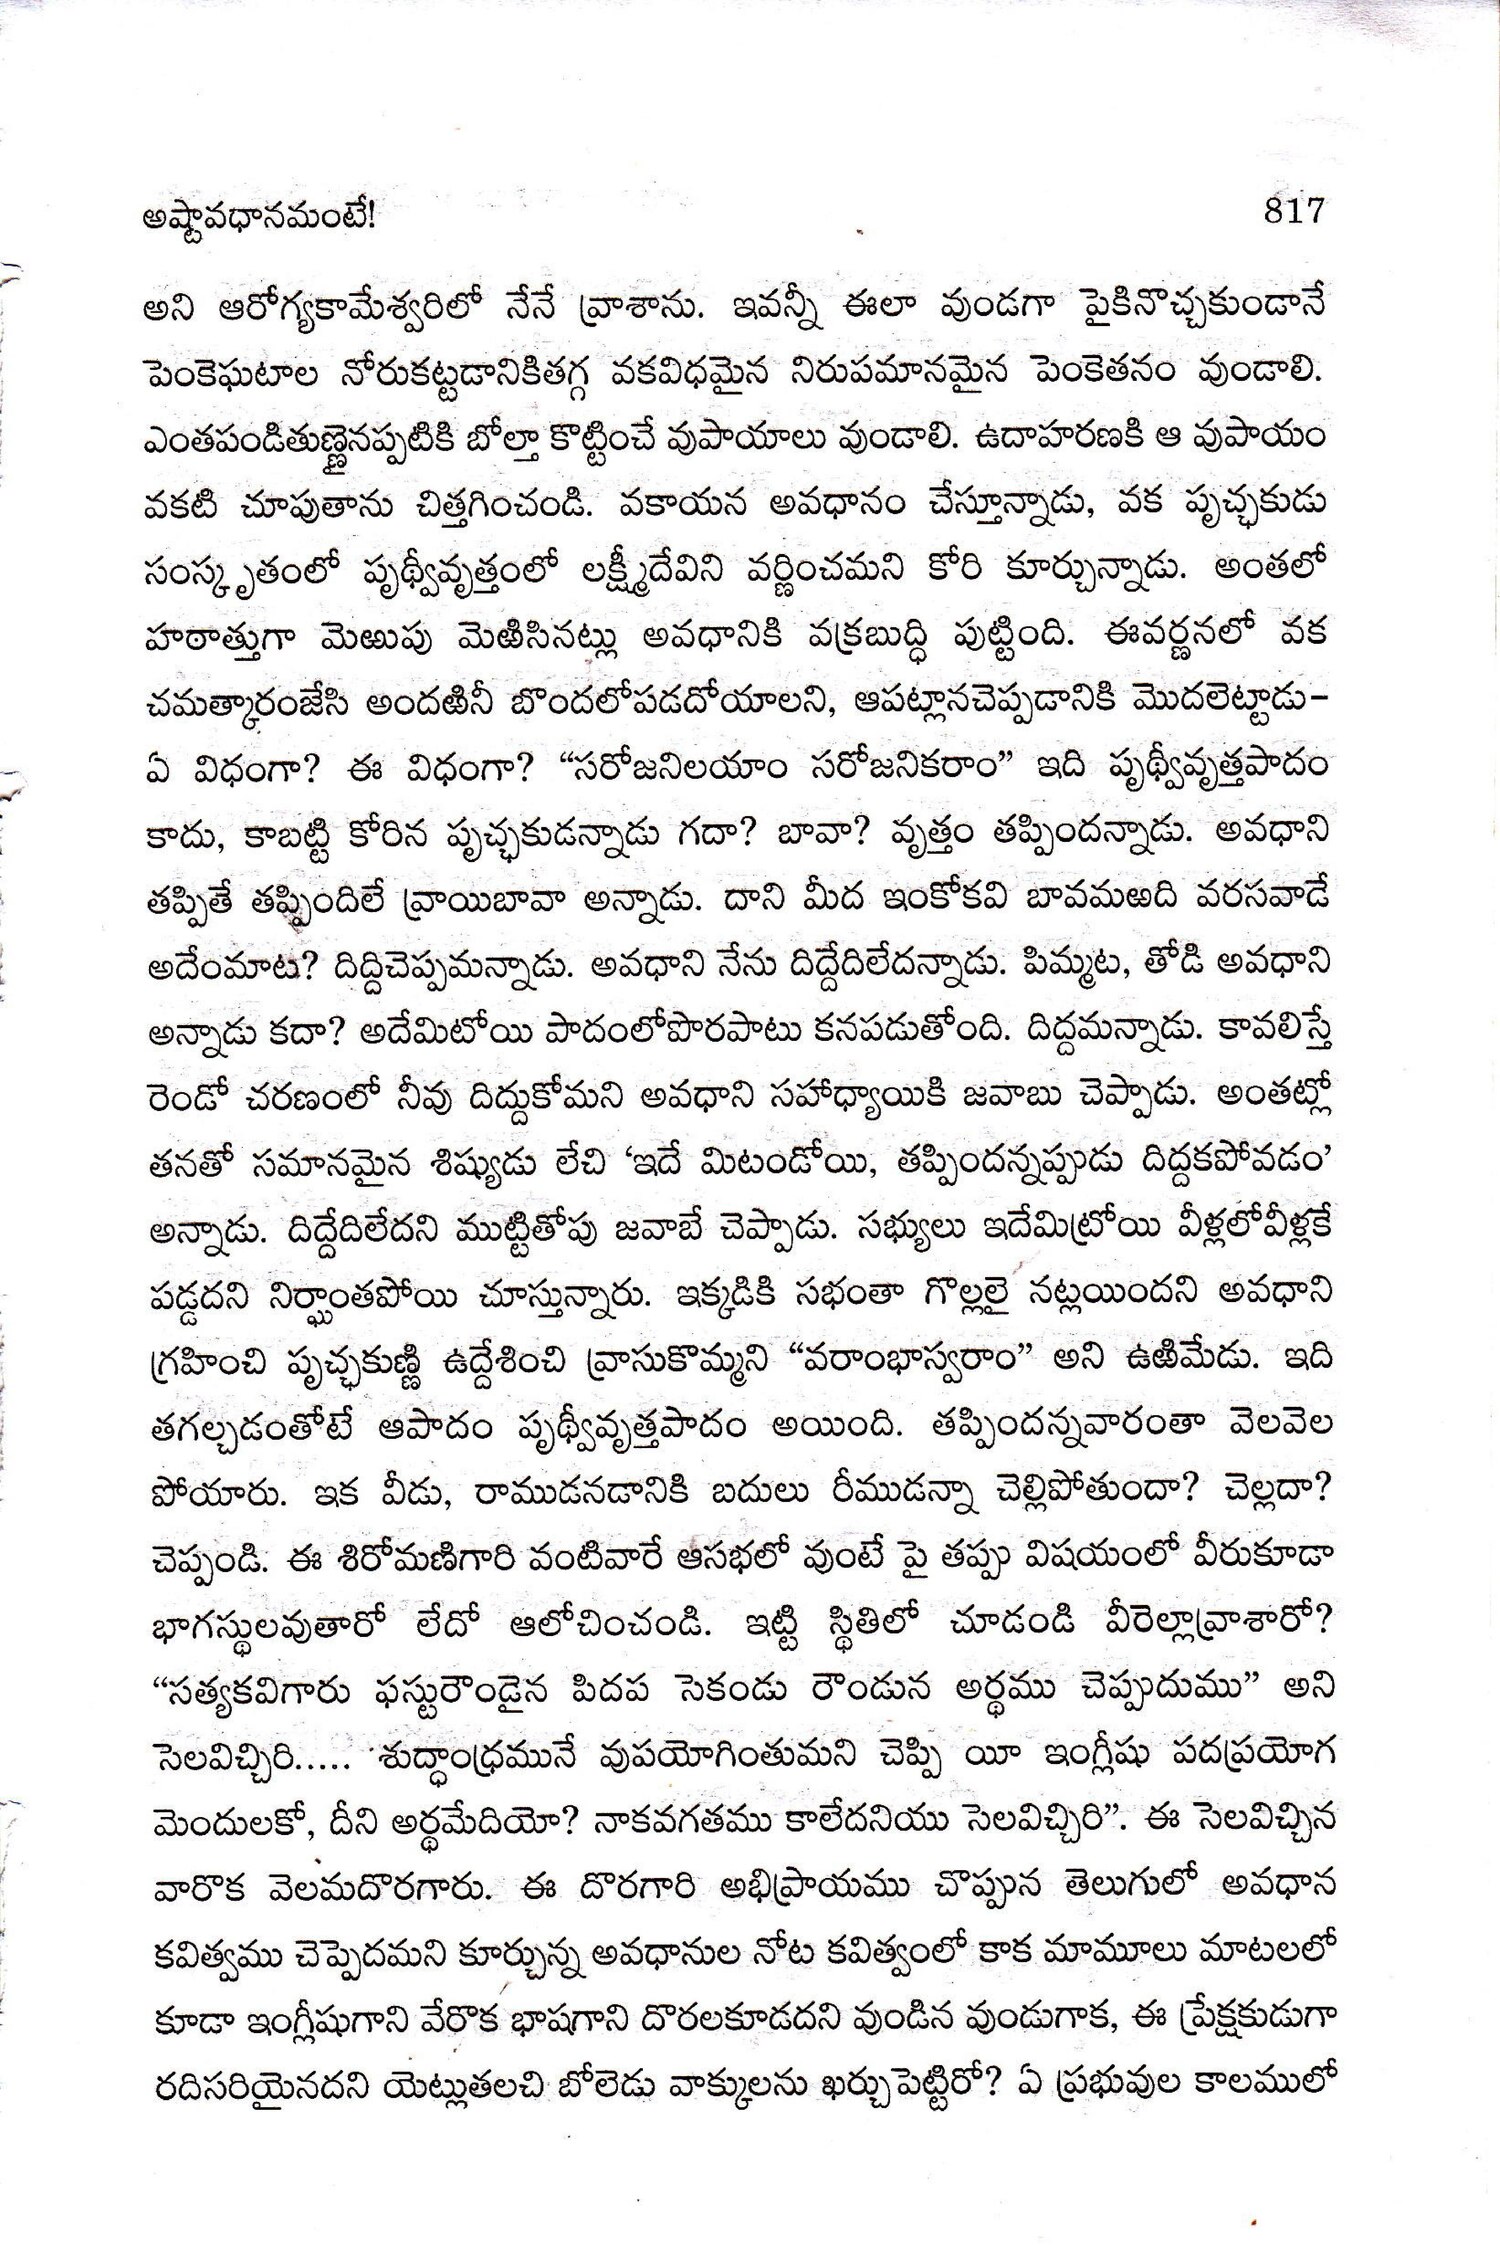అని ఆరోగ్యకామేశ్వరిలో నేనే వ్రాశాను. ఇవన్నీ ఈలా వుండగా పైకినొచ్చకుండానే పెంకెఘటాల నోరుకట్టడానికితగ్గ వకవిధమైన నిరుపమానమైన పెంకెతనం వుండాలి. ఎంతపండితుణ్ణైనప్పటికి బోల్తా కొట్టించే వుపాయాలు వండాలి. ఉదాహరణకి ఆ వుపాయం వకటి చూపుతాను చిత్తగించండి. వకాయన అవధానం చేస్తూన్నాడు, వక పృచ్ఛకుడు సంస్కృతంలో పృథ్వీవృత్తంలో లక్ష్మీదేవిని వర్ణించమని కోరి కూర్చున్నాడు. అంతలో హఠాత్తుగా మెఱుపు మెఱిసినట్లు అవధానికి వక్రబుద్ధి పుట్టింది. ఈవర్ణనలో వక చమత్కారంజేసి అందఱినీ బొందలోపడదోయాలని, ఆపట్లానచెప్పడానికి మొదలెట్టాడు ఏ విధంగా? ఈ విధంగా? “సరోజనిలయాం సరోజనికరాం" ఇది పృథ్వీవృత్తపాదం కాదు, కాబట్టి కోరిన పృచ్ఛకుడన్నాడు గదా? బావా? వృత్తం తప్పిందన్నాడు. అవధాని తప్పితే తప్పిందిలే వ్రాయిబావా అన్నాడు. దాని మీద ఇంకోకవి బావమఱది వరసవాడే అదేంమాట? దిద్దిచెప్పమన్నాడు. అవధాని నేను దిద్దేదిలేదన్నాడు. పిమ్మట, తోడి అవధాని అన్నాడు కదా? అదేమిటోయి పాదంలోపొరపాటు కనపడుతోంది. దిద్దమన్నాడు. కావలిస్తే రెండో చరణంలో నీవు దిద్దుకోమని అవధాని సహాధ్యాయికి జవాబు చెప్పాడు. అంతట్లో తనతో సమానమైన శిష్యుడు లేచి "ఇదే మిటండోయి, తప్పిందన్నప్పుడు దిద్దకపోవడం' అన్నాడు. దిద్దేదిలేదని ముట్టితోపు జవాబే చెప్పాడు. సభ్యులు ఇదేమిట్రోయి వీళ్లలోవీళ్లకే పడ్డదని నిర్ఘాంతపోయి చూస్తున్నారు. ఇక్కడికి సభంతా గొల్లలై నట్లయిందని అవధాని గ్రహించి పృచ్చకుణ్ణి ఉద్దేశించి వ్రాసుకొమ్మని “వరాంభాస్వరాం” అని ఉఱిమేడు. ఇది తగల్చడంతోటే ఆపాదం పృథ్వీవృత్తపాదం అయింది. తప్పిందన్నవారంతా వెలవెల పోయారు. ఇక వీడు, రాముడనడానికి బదులు రీముడన్నా చెల్లిపోతుందా? చెల్లదా? చెప్పండి. ఈ శిరోమణిగారి వంటివారే ఆసభలో వుంటే పై తప్పు విషయంలో వీరుకూడా భాగస్థులవుతారో లేదో ఆలోచించండి. ఇట్టి స్థితిలో చూడండి వీరెల్లావ్రాశారో? “సత్యకవిగారు ఫస్టురౌండైన పిదప సెకండు రౌండున అర్ధము చెప్పదుము" అని సెలవిచ్చిరి. శుద్దాంధ్రమునే వుపయోగింతుమని చెప్పి యీ ఇంగ్లీషు పదప్రయోగ మెందులకో, దీని అర్ధమేదియో? నాకవగతము కాలేదనియు సెలవిచ్చిరి". ఈ సెలవిచ్చిన వారొక వెలమదొరగారు. ఈ దొరగారి అభిప్రాయము చొప్పున తెలుగులో అవధాన కవిత్వము చెప్పెదమని కూర్చున్న అవధానుల నోట కవిత్వంలో కాక మామూలు మాటలలో కూడా ఇంగ్లీషుగాని వేరొక భాషగాని దొరలకూడదని వుండిన వుండుగాక, ఈ ప్రేక్షకుడుగా రదిసరియైనదని యెట్లతలచి బోలెడు వాక్కులను ఖర్చుపెట్టిరో? ఏ ప్రభువుల కాలములో